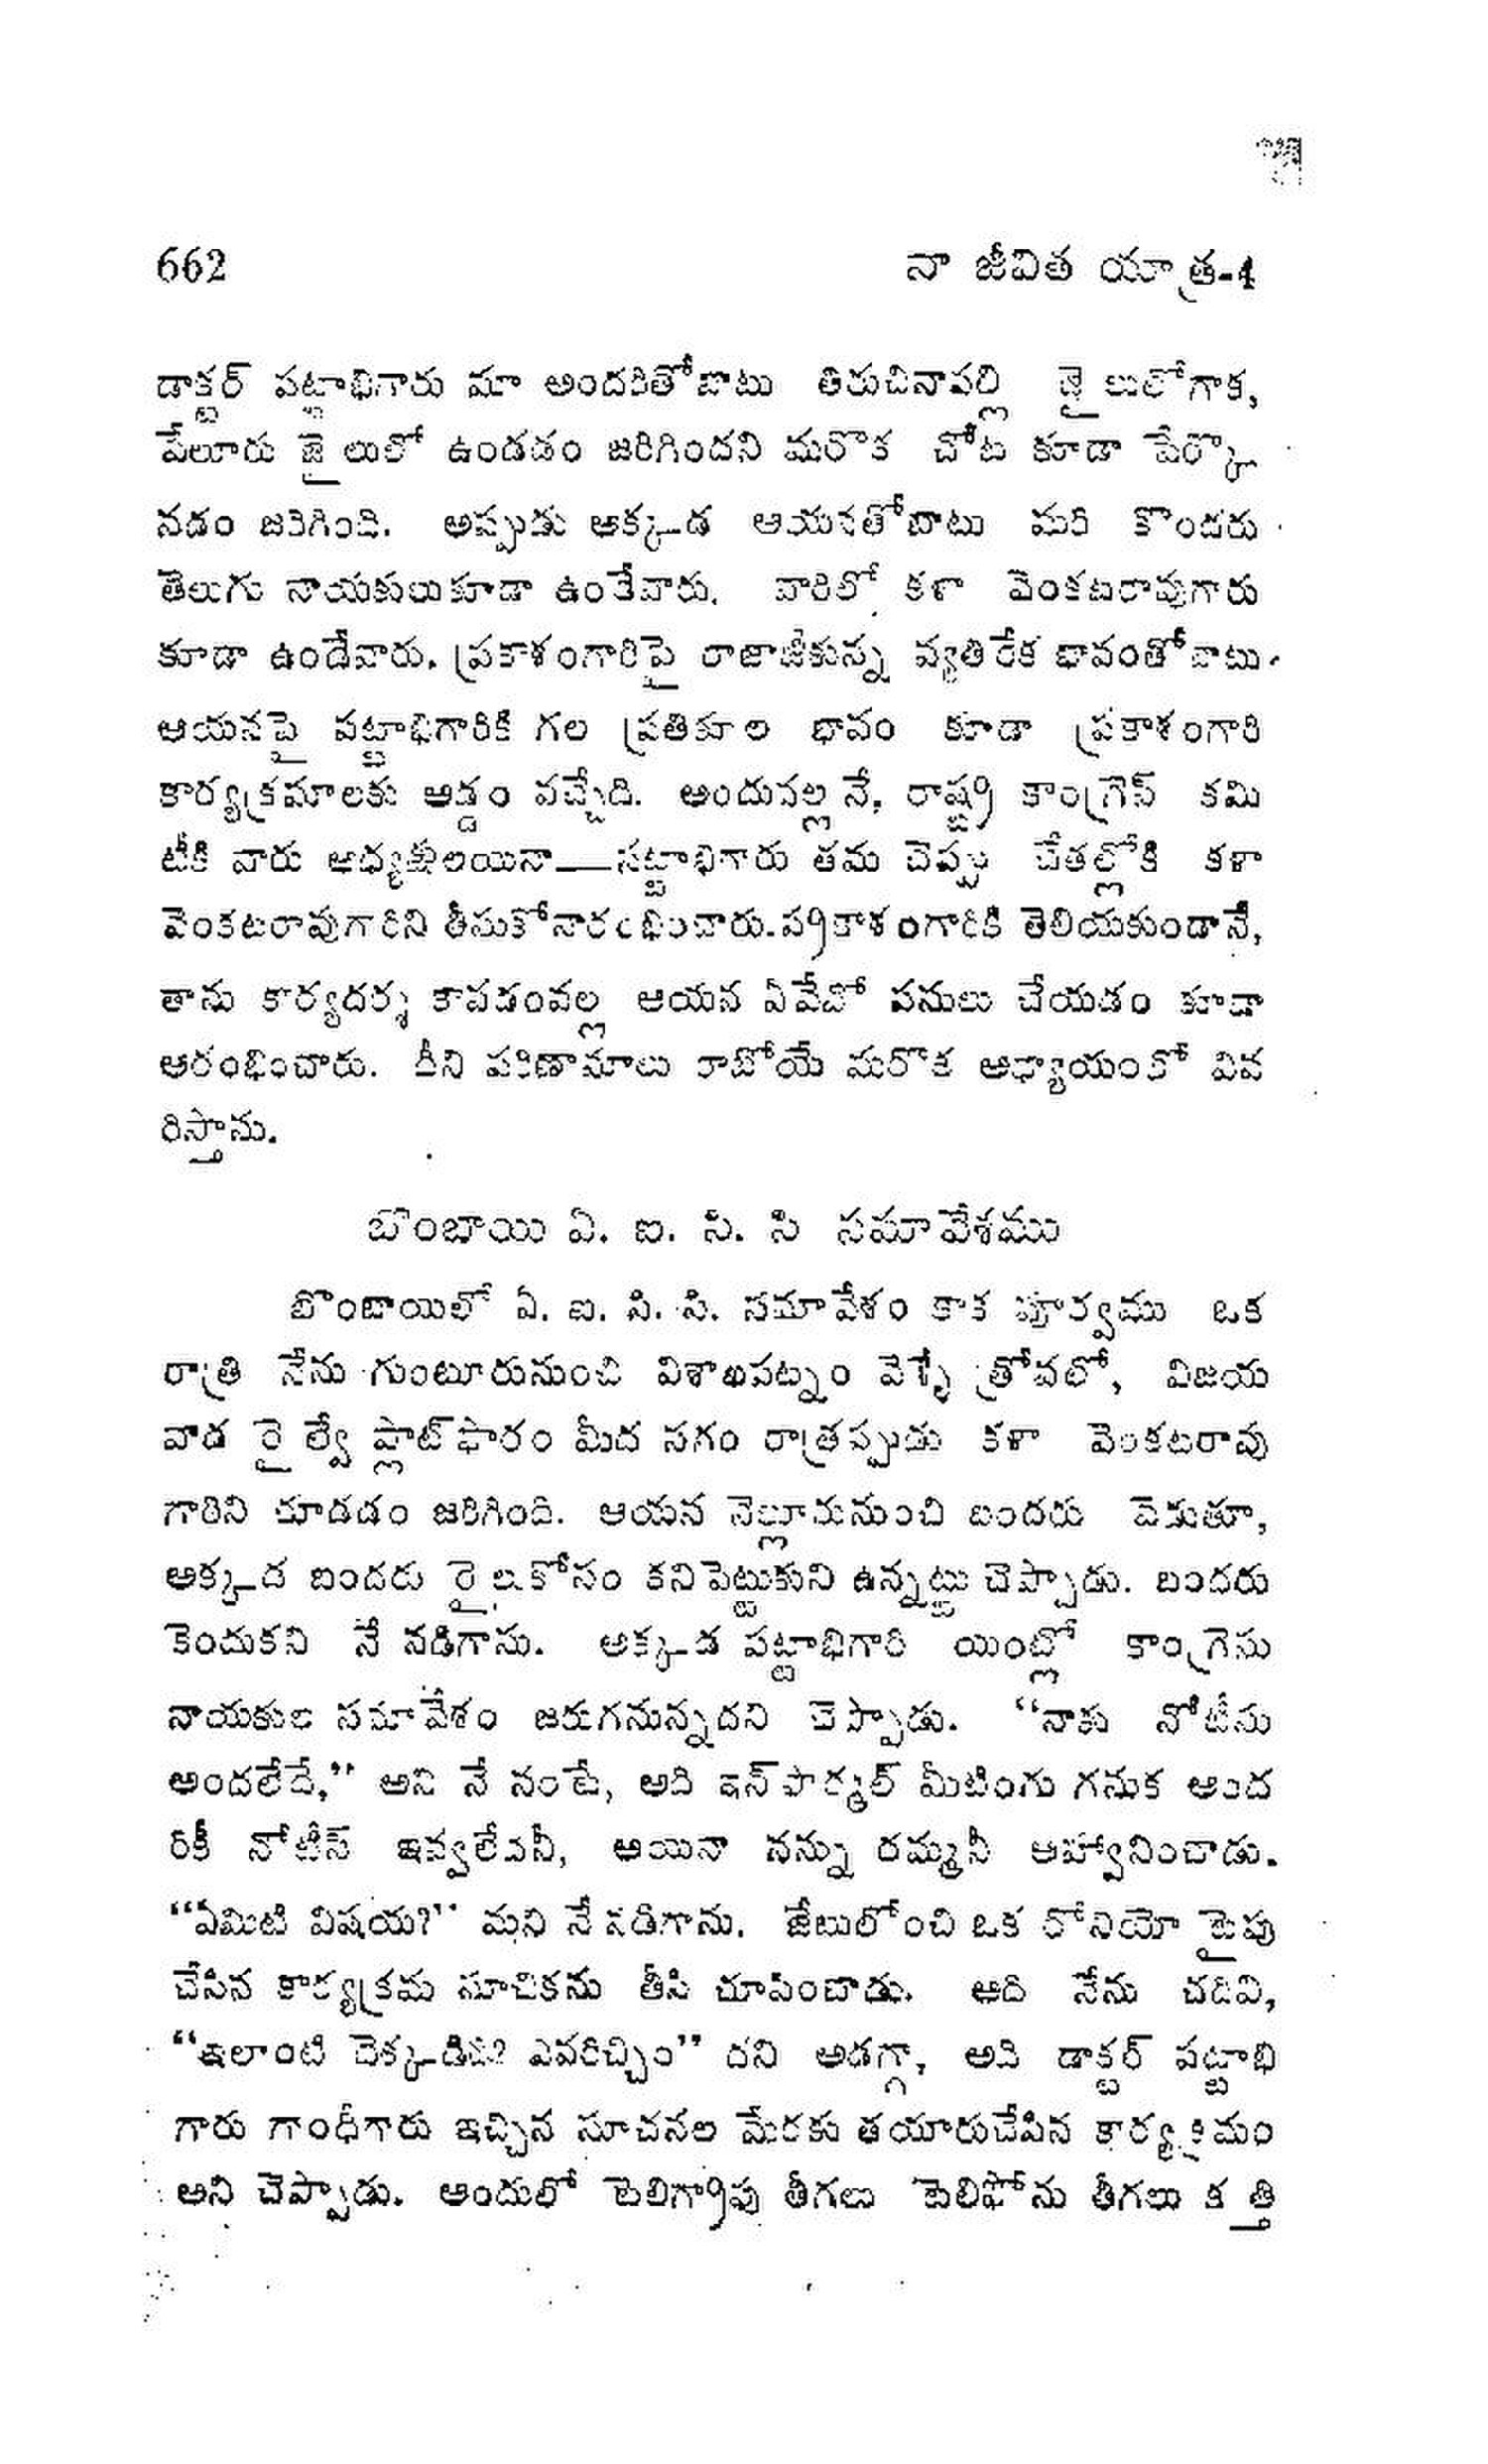డాక్టర్ పట్టాభిగారు మా అందరితోబాటు తిరుచినాపల్లి జైలులోగాక, వేలూరు జైలులో ఉండడం జరిగిందని మరొక చోట కూడా పేర్కొనడం జరిగింది. అప్పుడు అక్కడ ఆయనతో బాటు మరి కొందరు తెలుగు నాయకులుకూడా ఉండేవారు. వారిలో కళా వెంకటరావుగారు కూడా ఉండేవారు. ప్రకాశంగారిపై రాజాజీకున్న వ్యతిరేక భావంతోబాటు ఆయనపై పట్టాభి గారికి గల ప్రతికూల భావం కూడా ప్రకాశంగారి కార్యక్రమాలకు అడ్డం వచ్చేది. అందువల్లనే, రాష్ట్ర కాంగ్రెస్ కమిటీకి వారు అధ్యక్షులయినా - పట్టాభిగారు తమ చెప్పు చేతల్లోకి కళా వెంకటరావు గారిని తీసుకోనారంభించారు. ప్రకాశంగారికి తెలియకుండానే, తాను కార్యదర్శ కావడంవల్ల ఆయన ఏవేవో పనులు చేయడం కూడా ఆరంభించారు. దీని పరిణామాలు రాబోయే మరొక అధ్యాయంలో వివరిస్తాను.

బొంబాయిలో ఏ.ఐ.సి.సి. సమావేశం కాక పూర్వము ఒక రాత్రి నేను గుంటూరునుంచి విశాఖపట్నం వెళ్ళే త్రోవలో, విజయవాడ రైల్వే ప్లాట్‌ఫారం మీద సగం రాత్రప్పుడు కళా వెంకటరావు గారిని చూడడం జరిగింది. ఆయన నెల్లూరు నుంచి బందరు వెడుతూ, అక్కడ బందరు రైలుకోసం కనిపెట్టుకుని ఉన్నట్టు చెప్పాడు. బందరు కెందుకని నే నడిగాను. అక్కడ పట్టాభిగారి యింట్లో కాంగ్రెసు నాయకుల సమావేశం జరుగనున్నదని చెప్పాడు. "నాకు నోటీసు అందలేదే," అని నే నంటే, అది ఇన్‌ఫార్మల్ మీటింగు గనుక అందరికీ నోటీస్ ఇవ్వలేదనీ, అయినా నన్ను రమ్మనీ ఆహ్వానించాడు. "ఏమిటి విషయ?" మని నే నడిగాను. జేబులోంచి ఒక రోనియో టైపు చేసిన కార్యక్రమ సూచికను తీసి చూపించాడు. అది నేను చదివి, "ఇలాంటి దెక్కడిది? ఎవరిచ్చిం"దని అడగ్గా, అది డాక్టర్ పట్టాభిగారు గాంధీగారు ఇచ్చిన సూచనల మేరకు తయారుచేసిన కార్యక్రమం అని చెప్పాడు. అందులో టెలిగ్రాపు తీగలు టెలిఫోను తీగలు కత్తి